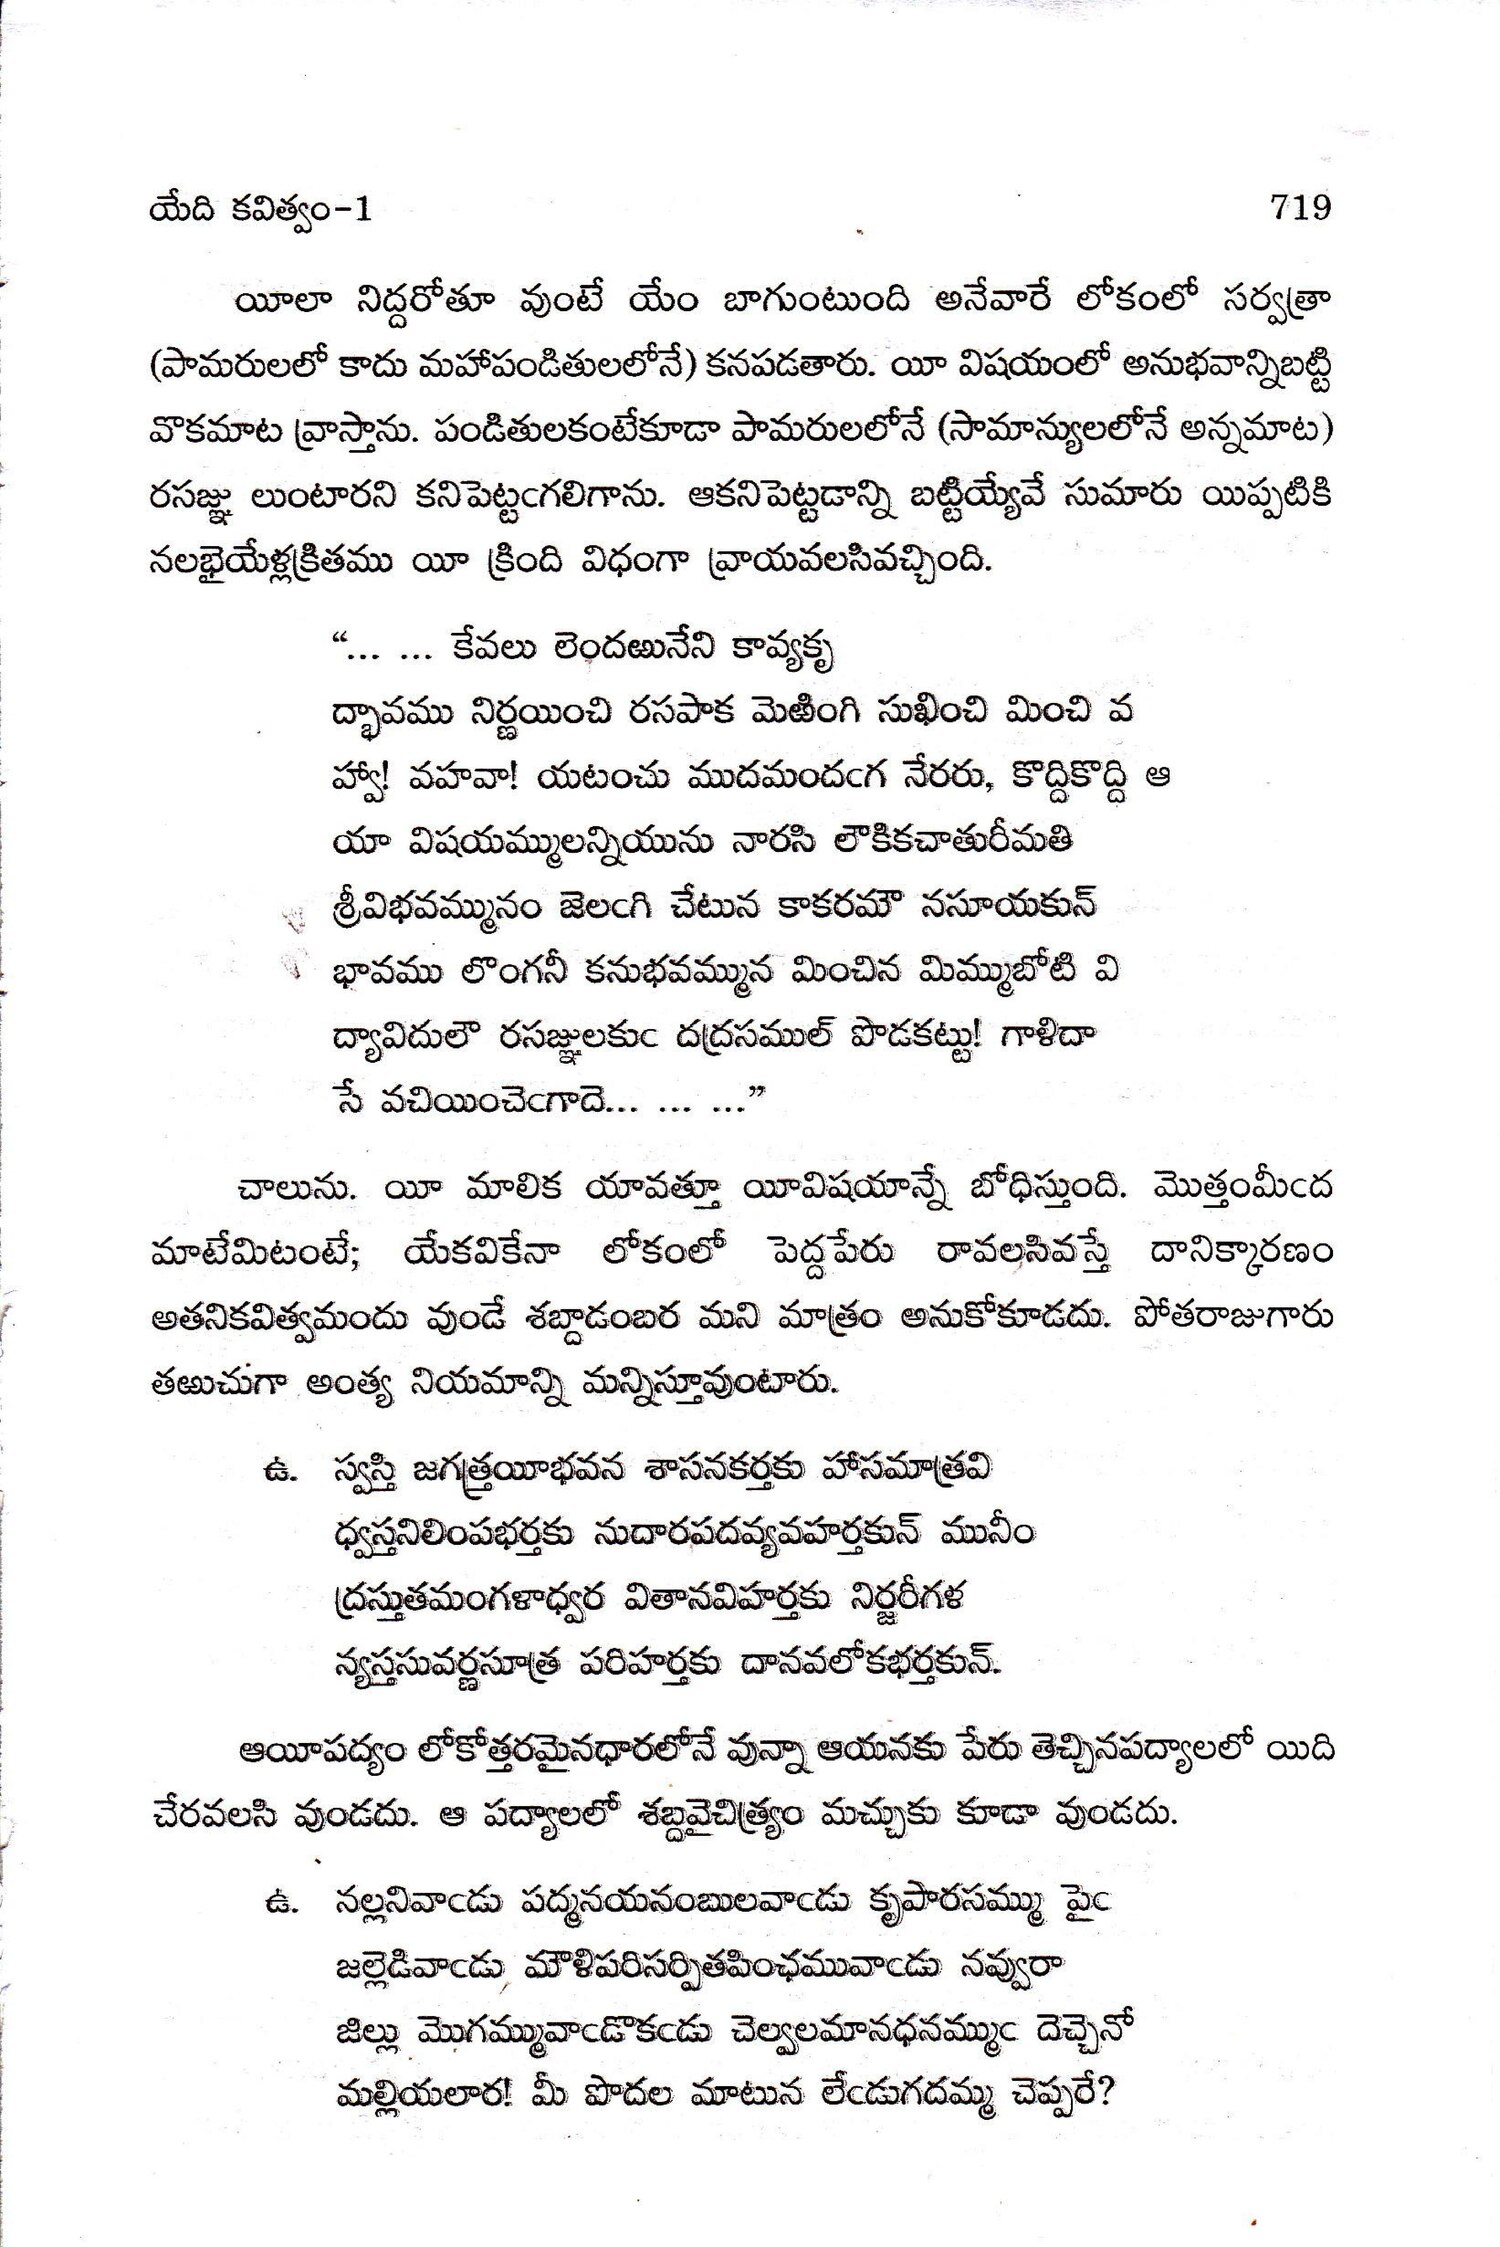యీలా నిద్దరోతూ వుంటే యేం బాగుంటుంది అనేవారే లోకంలో సర్వత్రా (పామరులలో కాదు మహాపండితులలోనే) కనపడతారు. యీ విషయంలో అనుభవాన్నిబట్టి వొకమాట వ్రాస్తాను. పండితులకంటేకూడా పామరులలోనే (సామాన్యులలోనే అన్నమాట) రసజ్ఞు లుంటారని కనిపెట్టఁగలిగాను. ఆకనిపెట్టడాన్ని బట్టియ్యేవే సుమారు యిప్పటికి
నలభైయేళ్లక్రితము యీ క్రింది విధంగా వ్రాయవలసివచ్చింది.

“... ... కేవలు లెందఱునేని కావ్యకృ 
ద్భావము నిర్ణయించి రసపాక మెఱింగి సుఖించి మించి వ 
హ్వా వహవా! యటంచు ముదమందఁగ నేరరు, కొద్దికొద్ది ఆ 
యా విషయమ్ములన్నియును నారసి లౌకికచాతురీమతి 
శ్రీవిభవమ్మునం జెలఁగి చేటున కాకరమౌ నసూయకున్ 
భావము లొంగనీ కనుభవమ్మున మించిన మిమ్ముబోటి వి 
ద్యావిదులౌ రసజ్ఞులకుఁ దద్రసముల్ పొడకట్టు! గాళిదా
సే వచియించెఁగాదె... ... ..."
చాలును. యీ మాలిక యావత్తూ యీవిషయాన్నే బోధిస్తుంది. మొత్తంమీఁద మాటేమిటంటే; యేకవికేనా లోకంలో పెద్దపేరు రావలసివస్తే దానిక్కారణం అతనికవిత్వమందు వుండే శబ్దాడంబర మని మాత్రం అనుకోకూడదు. పోతరాజుగారు తఱుచుగా అంత్య నియమాన్ని మన్నిస్తూవుంటారు.

ఉ. స్వస్తి జగత్త్రయీభవన శాసనకర్తకు హాసమాత్రవి
 ధ్వస్తనిలింపభర్తకు నుదారపదవ్యవహర్తకున్ మునీం
 ద్రస్తుతమంగళాధ్వర వితానవిహర్తకు నిర్జరీగళ
 న్యస్తసువర్ణసూత్ర పరిహర్తకు దానవలోకభర్తకున్.
ఆయీ పద్యం లోకోత్తరమైనధారలోనే వున్నా ఆయనకు పేరు తెచ్చినపద్యాలలో యిది చేరవలసి వుండదు. ఆ పద్యాలలో శబ్దవైచిత్ర్యం మచ్చుకు కూడా వుండదు.

ఉ. నల్లనివాఁడు పద్మనయనంబులవాఁడు కృపారసమ్ము పైఁ
 జల్లెడివాఁడు మౌళిపరిసర్పితపింఛమువాఁడు నవ్వురా 
 జిల్లు మొగమ్మువాఁడొకఁడు చెల్వలమానధనమ్ముఁ దెచ్చెనో 
 మల్లియలార! మీ పొదల మాటున లేఁడుగదమ్మ చెప్పరే?